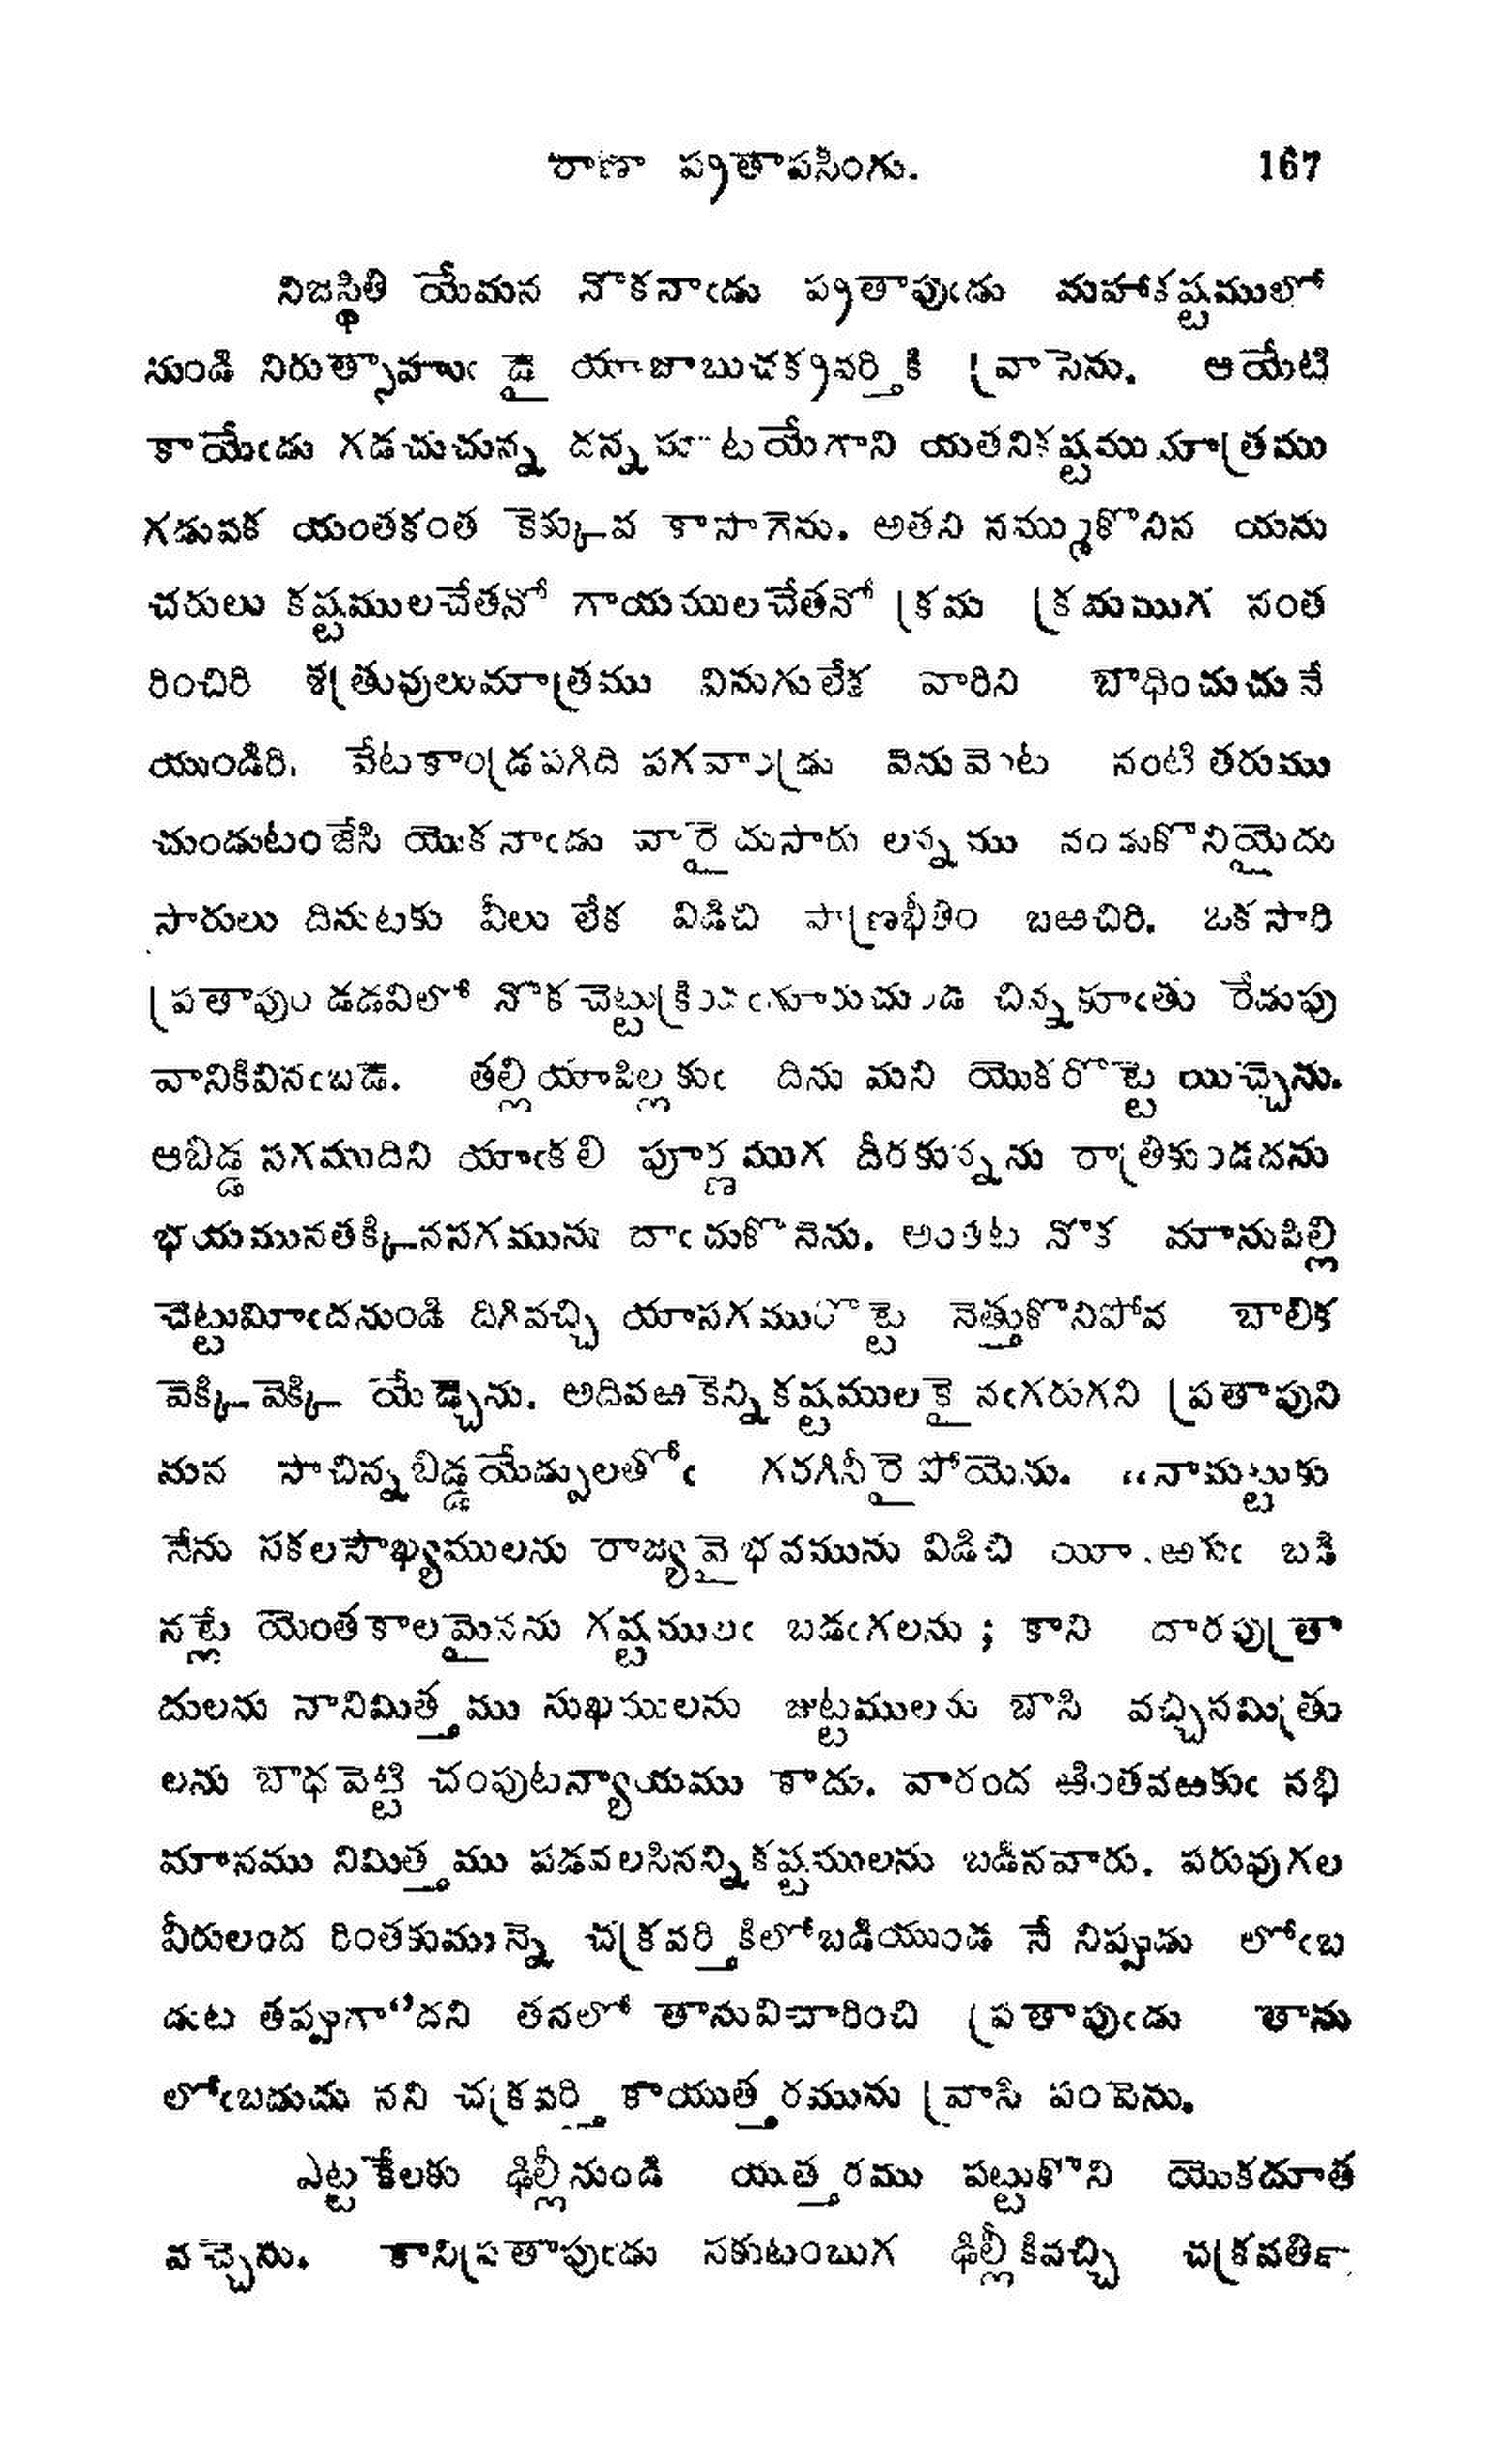నిజస్థితి యేమన నొకనాఁడు ప్రతాపుఁడు మహాకష్టములో నుండి నిరుత్సాహుఁ డై యా జాబుచక్రవర్తి కి వ్రాసెను, ఆయేటికాయేఁడు గడచుచున్న డన్న మాటయేగాని యతనికష్టము మాత్రము గడుపక యంతకంత కెక్కువ కాసాగెను. అతని నమ్ముకొనిన యనుచరులు కష్టములచేతనో గాయముల చేతనో క్రమ క్రమముగ నంతరించిరి. శత్రువులు మాత్రము విసుగు లేక వారిని బాధించుచునే యుండిరి. వేటకాండ్ర పగిది పగవాండ్రు వెనువెంట నంటి తరుము చుండుటం జేసి యొక నాఁడు వారైదుసారు. లన్నము వండుకొని యైదు
సారులు దినుటకు వీలు లేక విడిచి ప్రాణభీతిం బఱచిరి. ఒకసారి ప్రతాపుం డడవిలో నొక చెట్టుక్రింద గూరుచుండ చిన్న కూఁతు రేడుపు
వానికి వినఁబడె. తల్లి యాపిల్లకుఁ దిను మని యొక రోట్టె యిచ్చెను. ఆబిడ్డ సగముదిని యాఁకలి పూర్ణముగ దీరకున్నను రాత్రికుండదను
భయమునతక్కినసగమును దాఁచుకొనెను. అంతట నొక మానుపిల్లి చెట్టుమీఁదనుండి దిగి వచ్చి యాసగమురోట్టె నెత్తుకొనిపోవ బాలిక
వెక్కి వెక్కి యేడ్చెను. అదివఱకెన్ని కష్టములకై నఁగరుగని ప్రతాపుని మనసా చిన్న బిడ్డ యేడ్పులతోఁ గరగినీరై పోయెను. "నామట్టుకు
నేను సకలసౌఖ్యములను 'రాజ్య వైభవమును విడిచి యీవఱకుఁ బడినట్లే యెంత కాలమైనను గష్టములఁ బడఁగలను; కాని దారపుత్రా
దులను నానిమిత్త ము సుఖములను జుట్టములను బాసి వచ్చినమిత్రులను బాధ పెట్టి చంపుట న్యాయము కాదు. వారంద ఱింతవఱకుఁ నభి
మానము నిమిత్తము పడవలసినన్ని కష్టములను బడిన వారు. పరువుగల వీరులంద రింతకుమున్నె చక్రవర్తి కిలోబడియుండ నే నిప్పుడు లోఁబడుట తప్పుగా “దని తనలో తాను విచారించి ప్రతాపుఁడు తాను లోఁబడుదు నని చక్రవర్తి కాయుత్తరమును వ్రాసి పంపెను.

ఎట్టకేలకు ఢిల్లీ నుండి యుత్తరము పట్టుకొని యొకదూత వచ్చెను. కాని ప్రతాపుఁడు సకుటుంబముగ ఢిల్లీ కివచ్చి చక్రవతి౯